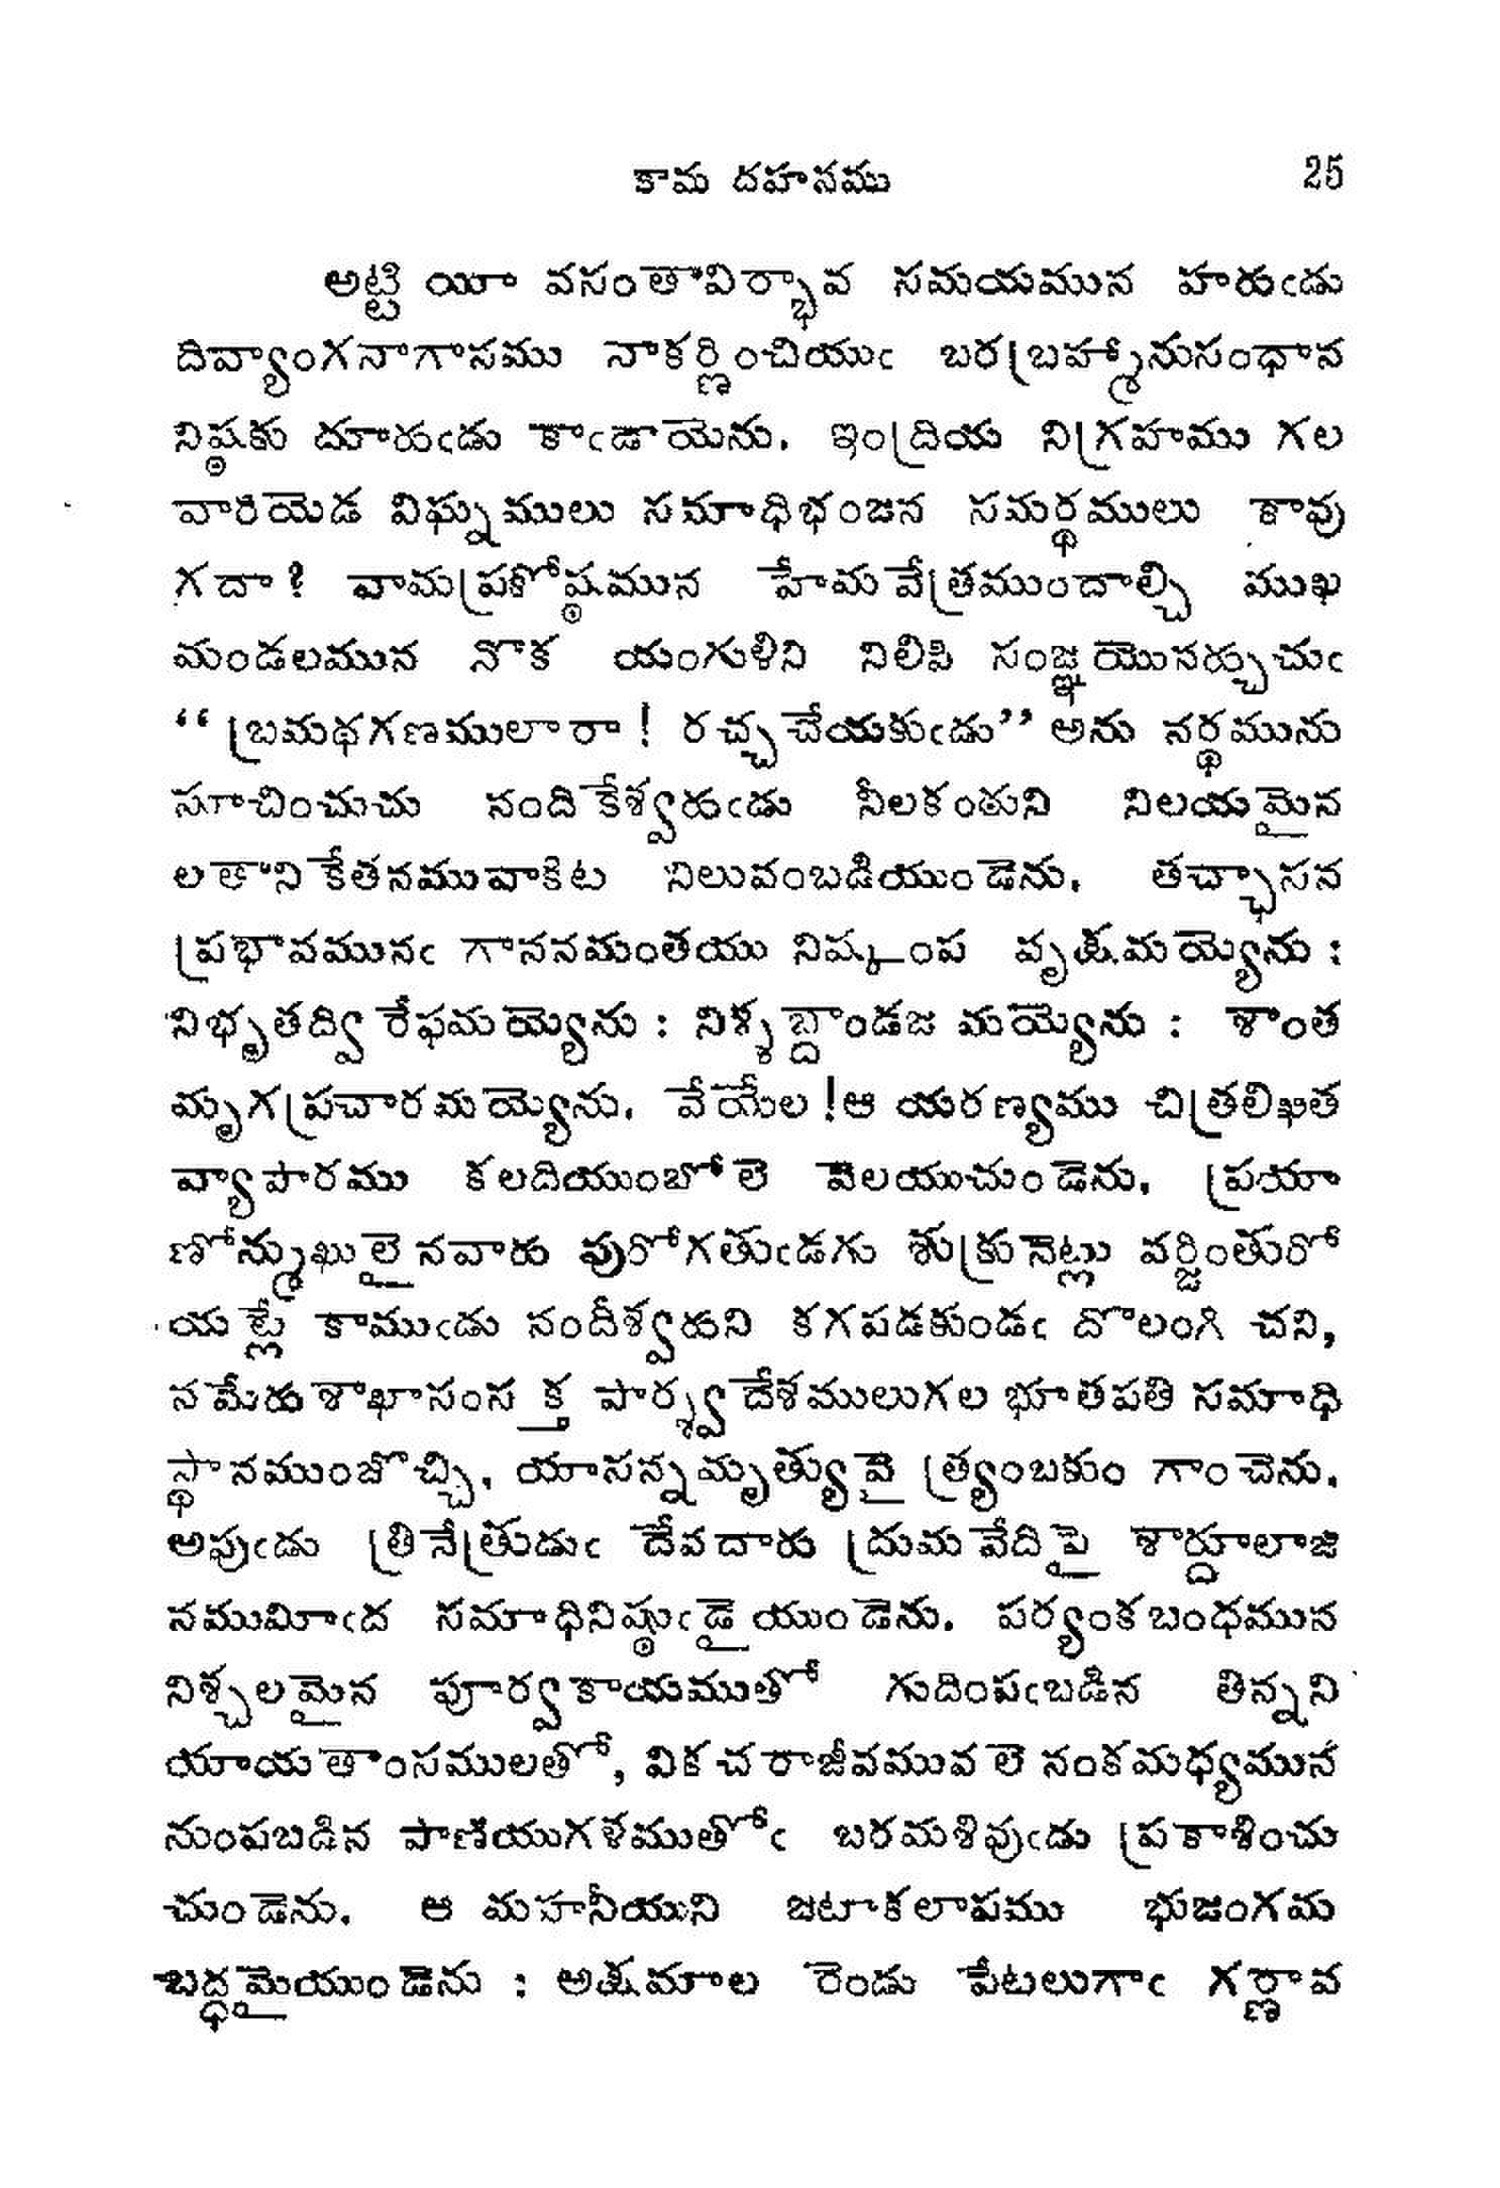అట్టి యీ వసంతావిర్భావ సమయమున హరుఁడు దివ్యాంగ నాగాసము నాకర్ణించియుఁ బరబ్రహ్మానుసంధాన నిష్ఠకు దూరుఁడు కాఁడాయెను. ఇంద్రియ నిగ్రహము గల వారియెడ విఘ్నములు సమాధిభంజన సమర్థములు కావు గదా? వామప్రకోష్ఠమున హేమ వేత్రముందాల్చి ముఖ మండలమున నొక యంగుళిని నిలిపి సంజ్ఞ యొనర్చుచుఁ బ్రమథగణములారా ! రచ్చ చేయకుఁడు” అను నర్థమును సూచించుచు నందికేశ్వరుఁడు నీలకంఠుని నిలయమైన లతాని కేతనము వాకిట నిలువంబడియుండెను. తచ్చానన ప్రభావమునఁ గాననమంతయు నిష్కంప వృక్షమయ్యెను : నిభృతద్వీ రేఫమయ్యెను: నిశ్శబ్దాండజ మయ్యెను : శాంత మృగప్రచారమయ్యెను. వేయేల !ఆ యరణ్యము చిత్రలిఖిత వ్యాపారము కలదియుంబోలె వెలయుచుండెను. ప్రయాణోన్ముఖులై నవారు పురోగతుఁడగు శుక్రునెట్లు వర్జింతురో యట్లే కాముఁడు నందీశ్వరుని కగపడకుండఁ దొలంగి చని, సమేరు శాఖాసంస క్త పార్శ్వ దేశములుగల భూతపతి సమాధి స్థానముంజొచ్చి, యాసన్న మృత్యువై త్య్రంబకుం గాంచెను. అపుఁడు త్రినేత్రుడుఁ దేవదారు ద్రుమ వేదిపై శార్దూలాజినముమీఁద సమాధినిష్ఠుఁడై యుండెను. పర్యంక బంధమున నిశ్చలమైన పూర్వకాయముతో గుదింపఁబడిన తిన్నని యాయ తాంసములతో, వికచరాజీవమువలె నంకమధ్యమున నుంపబడిన పాణియుగళముతోఁ బరమశివుఁడు ప్రకాశించు చుండెను. ఆ మహనీయుని జటాకలాపము భుజంగమ బద్ధమైయుండెను : అక్షమాల రెండు పేటలుగాఁ గర్ణావ